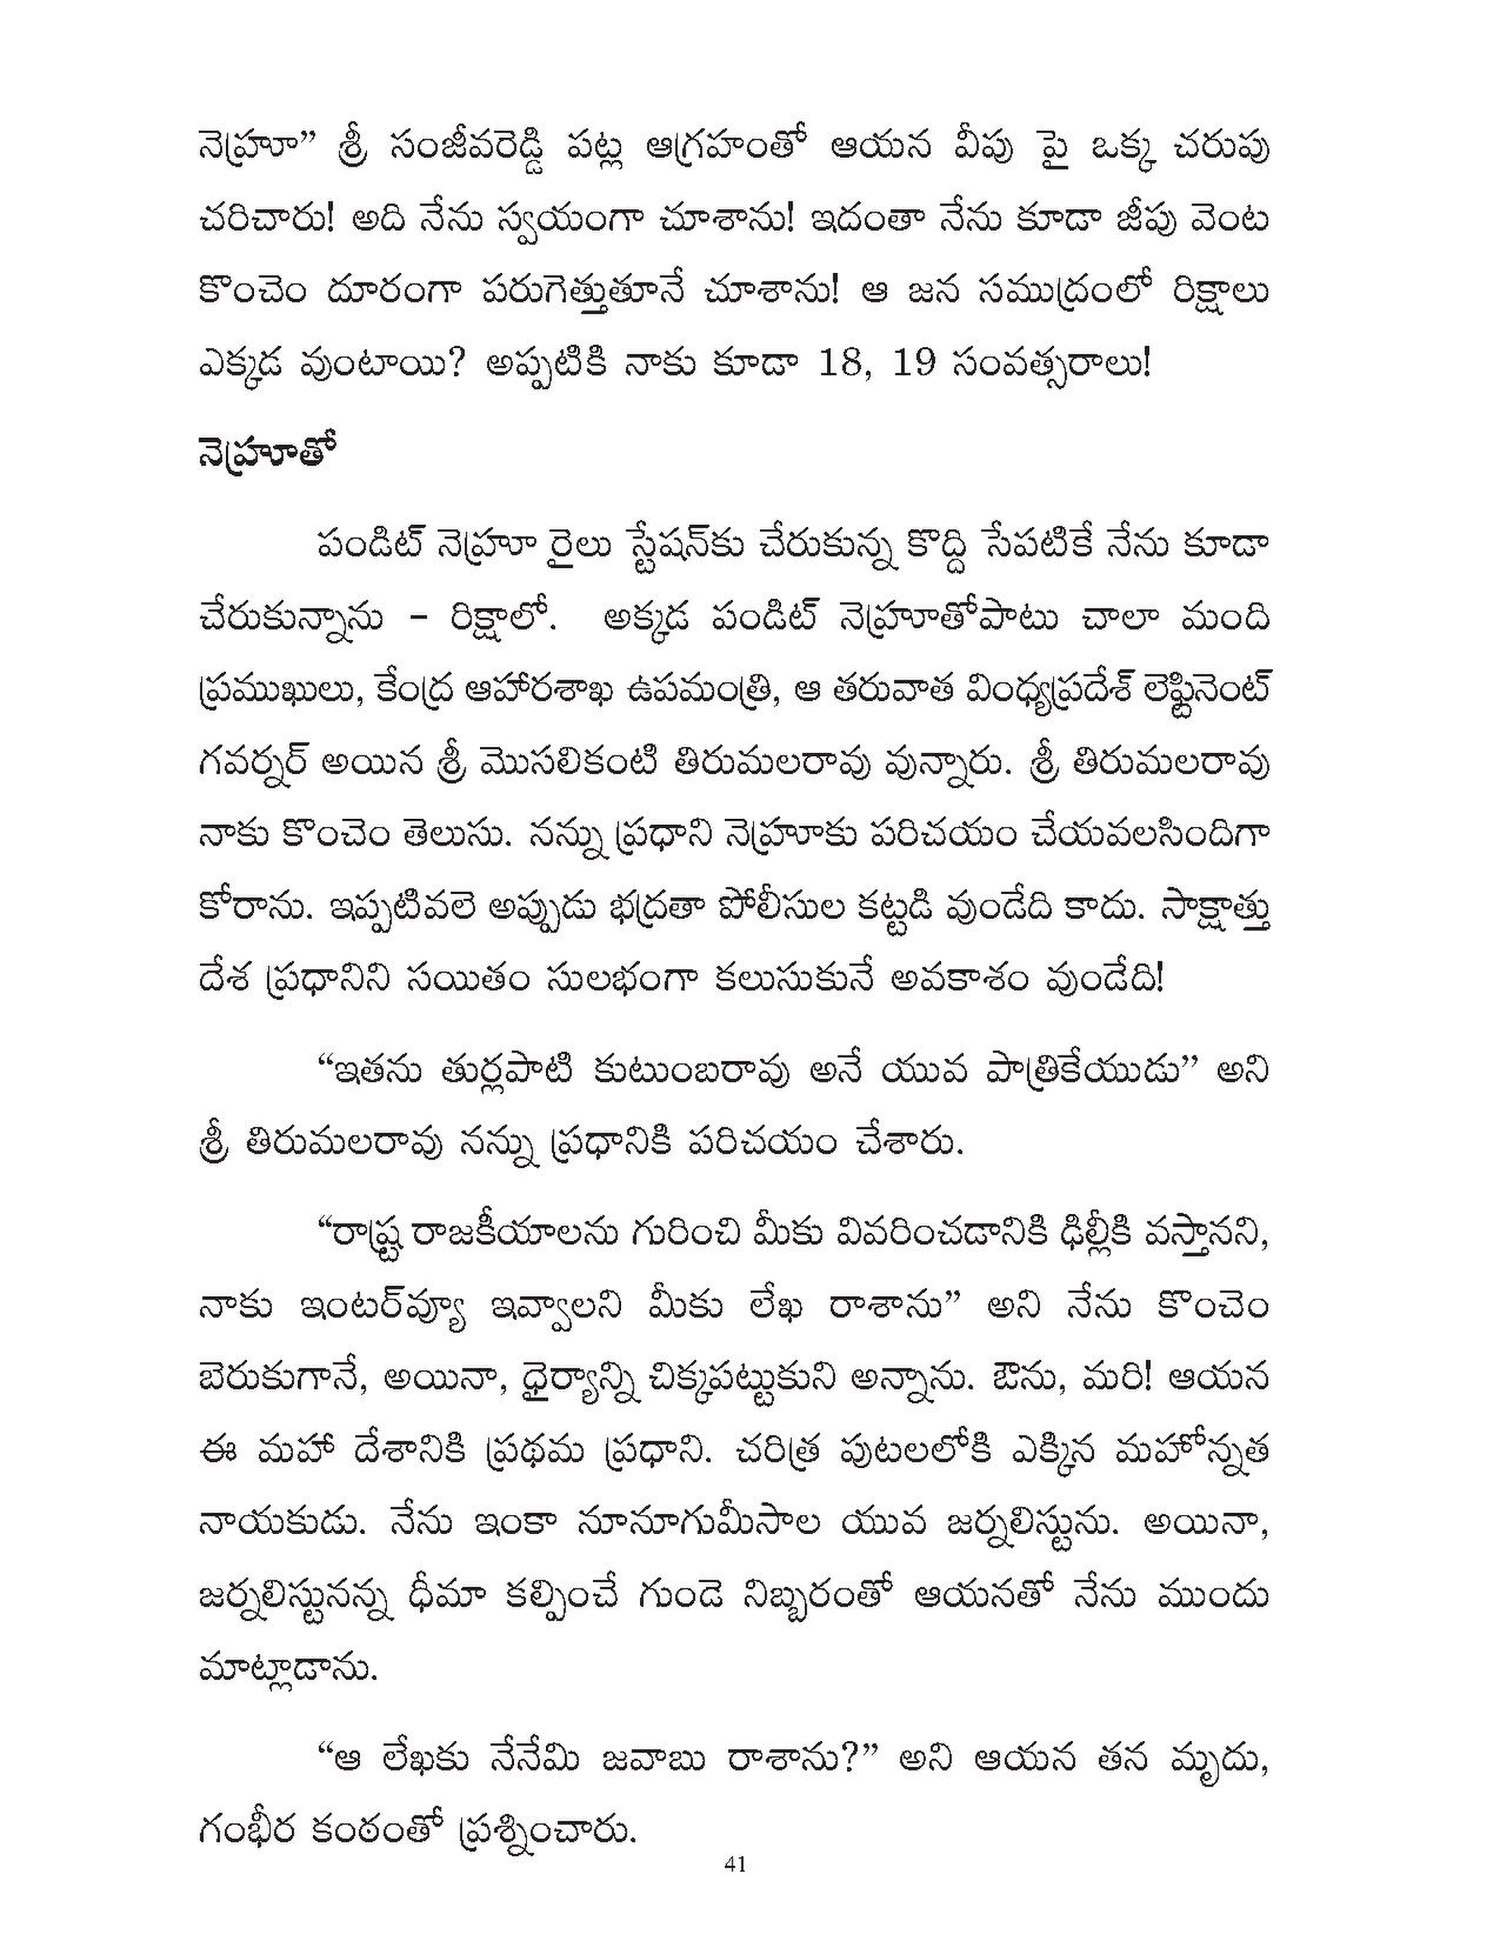నెహ్రూ" శ్రీ సంజీవరెడ్డి పట్ల ఆగ్రహంతో ఆయన వీపు పై ఒక్క చరుపు
చరిచారు! అది నేను స్వయంగా చూశాను! ఇదంతా నేను కూడా జీపు వెంట
కొంచెం దూరంగా పరుగెత్తుతూనే చూశాను! ఆ జన సముద్రంలో రిక్షాలు
ఎక్కడ వుంటాయి? అప్పటికి నాకు కూడా 18, 19 సంవత్సరాలు!

నెహ్రూతో

పండిట్‌ నెహ్రూ రైలు స్టేషన్‌కు చేరుకున్న కొద్ది సేపటికే నేను కూడా
చేరుకున్నాను - రిక్షాలో. అక్కడ పండిట్‌ నెహ్రూతోపాటు చాలా మంది
ప్రముఖులు, కేంద్ర ఆహారశాఖ ఉపమంత్రి, ఆ తరువాత వింధ్యప్రదేశ్‌ లెఫ్టినెంట్‌
గవర్నర్‌ అయిన శ్రీ మొసలికంటి తిరుమలరావు వున్నారు. శ్రీ తిరుమలరావు
నాకు కొంచెం తెలుసు. నన్ను ప్రధాని నెహ్రూకు పరిచయం చేయవలసిందిగా
కోరాను. ఇప్పటివలె అప్పుడు భద్రతా పోలీసుల కట్టడి వుండేది కాదు. సాక్షాత్తు
దేశ ప్రధానిని సయితం సులభంగా కలుసుకునే అవకాశం వుండేది!

"ఇతను తుర్లపాటి కుటుంబరావు అనే యువ పాత్రికేయుడు" అని
శ్రీ తిరుమలరావు నన్ను ప్రధానికి పరిచయం చేశారు.

"రాష్ట్ర రాజకీయాలను గురించి మీకు వివరించడానికి ఢిల్లీకి వస్తానని,
నాకు ఇంటర్‌వ్యూ ఇవ్వాలని మీకు లేఖ రాశాను" అని నేను కొంచెం
బెరుకుగానే, అయినా, ధైర్యాన్ని చిక్కపట్టుకుని అన్నాను. ఔను, మరి! ఆయన
ఈ మహా దేశానికి ప్రథమ ప్రధాని. చరిత్ర పుటలలోకి ఎక్కిన మహోన్నత
నాయకుడు. నేను ఇంకా నూనూగుమీసాల యువ జర్నలిస్టును. అయినా,
జర్నలిస్టునన్న ధీమా కల్పించే గుండె నిబ్బరంతో ఆయనతో నేను ముందు
మాట్లాడాను.

"ఆ లేఖకు నేనేమి జవాబు రాశాను?" అని ఆయన తన మృదు,
గంభీర కంఠంతో ప్రశ్నించారు.